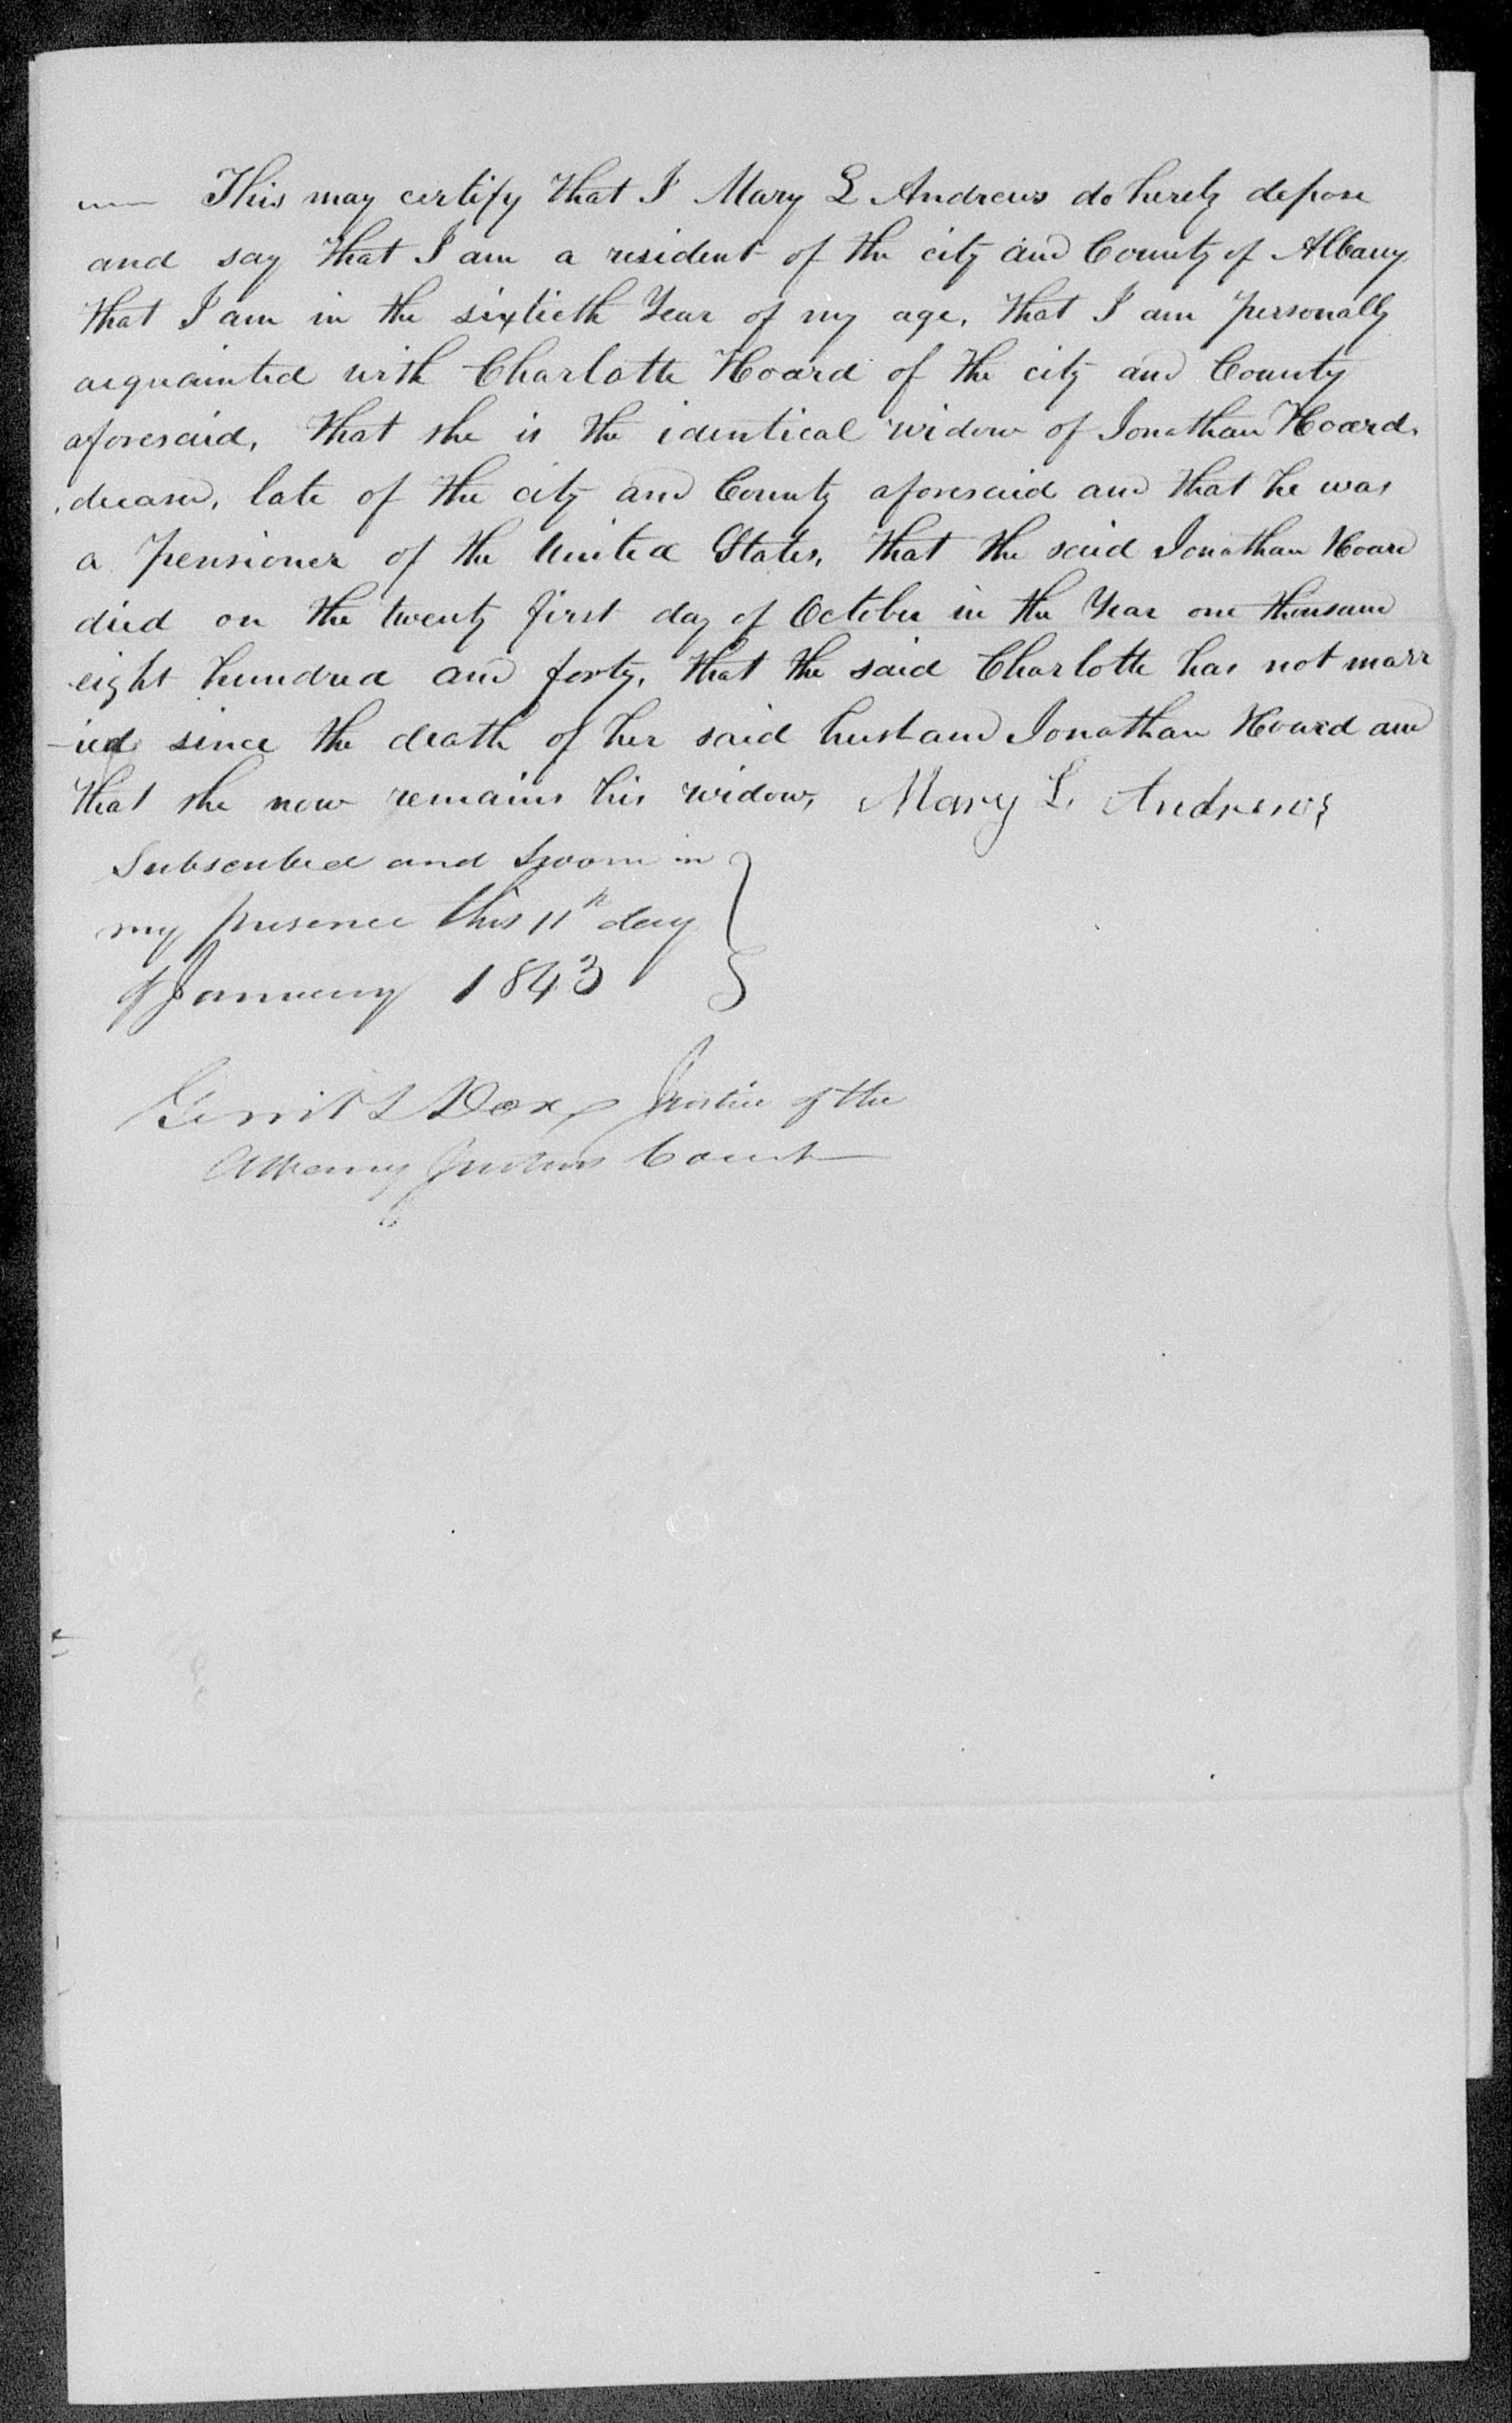This may certify that I Mary L Andrews do hereby depose and say that I am a resident of the city and County of Albany that I am in the sixtieth year of my age, that I am personally acquainted with Charlotte Hoard of the City and County aforesaid, that she is the identical widow of Jonathan Hoard deceased, late of the City and County aforesaid and that he was a pensioner of the United States, that the said Jonathan Hoard died on the twenty first day of October in the year one thousand eight hundred and forty, that the said Charlotte has not married since the death of her said husband Jonathan Hoard and that the now remains his widow, 
Mary L. Andrew (signature)

Subscribed and sworn in my presence this 11th day of January 1843 

Gerrit L Dox Justice of the Albany Justices Court (signature)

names: Charlotte, Charlotte Hoard, Jonathan Hoard, Mary L Andrews, Jonathan Hoard, Gerrit L Dox, Mary L Andrews, Jonathan Hoard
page: 39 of 52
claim: widow's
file: W 19755, Jonathan Hoard, Mass.